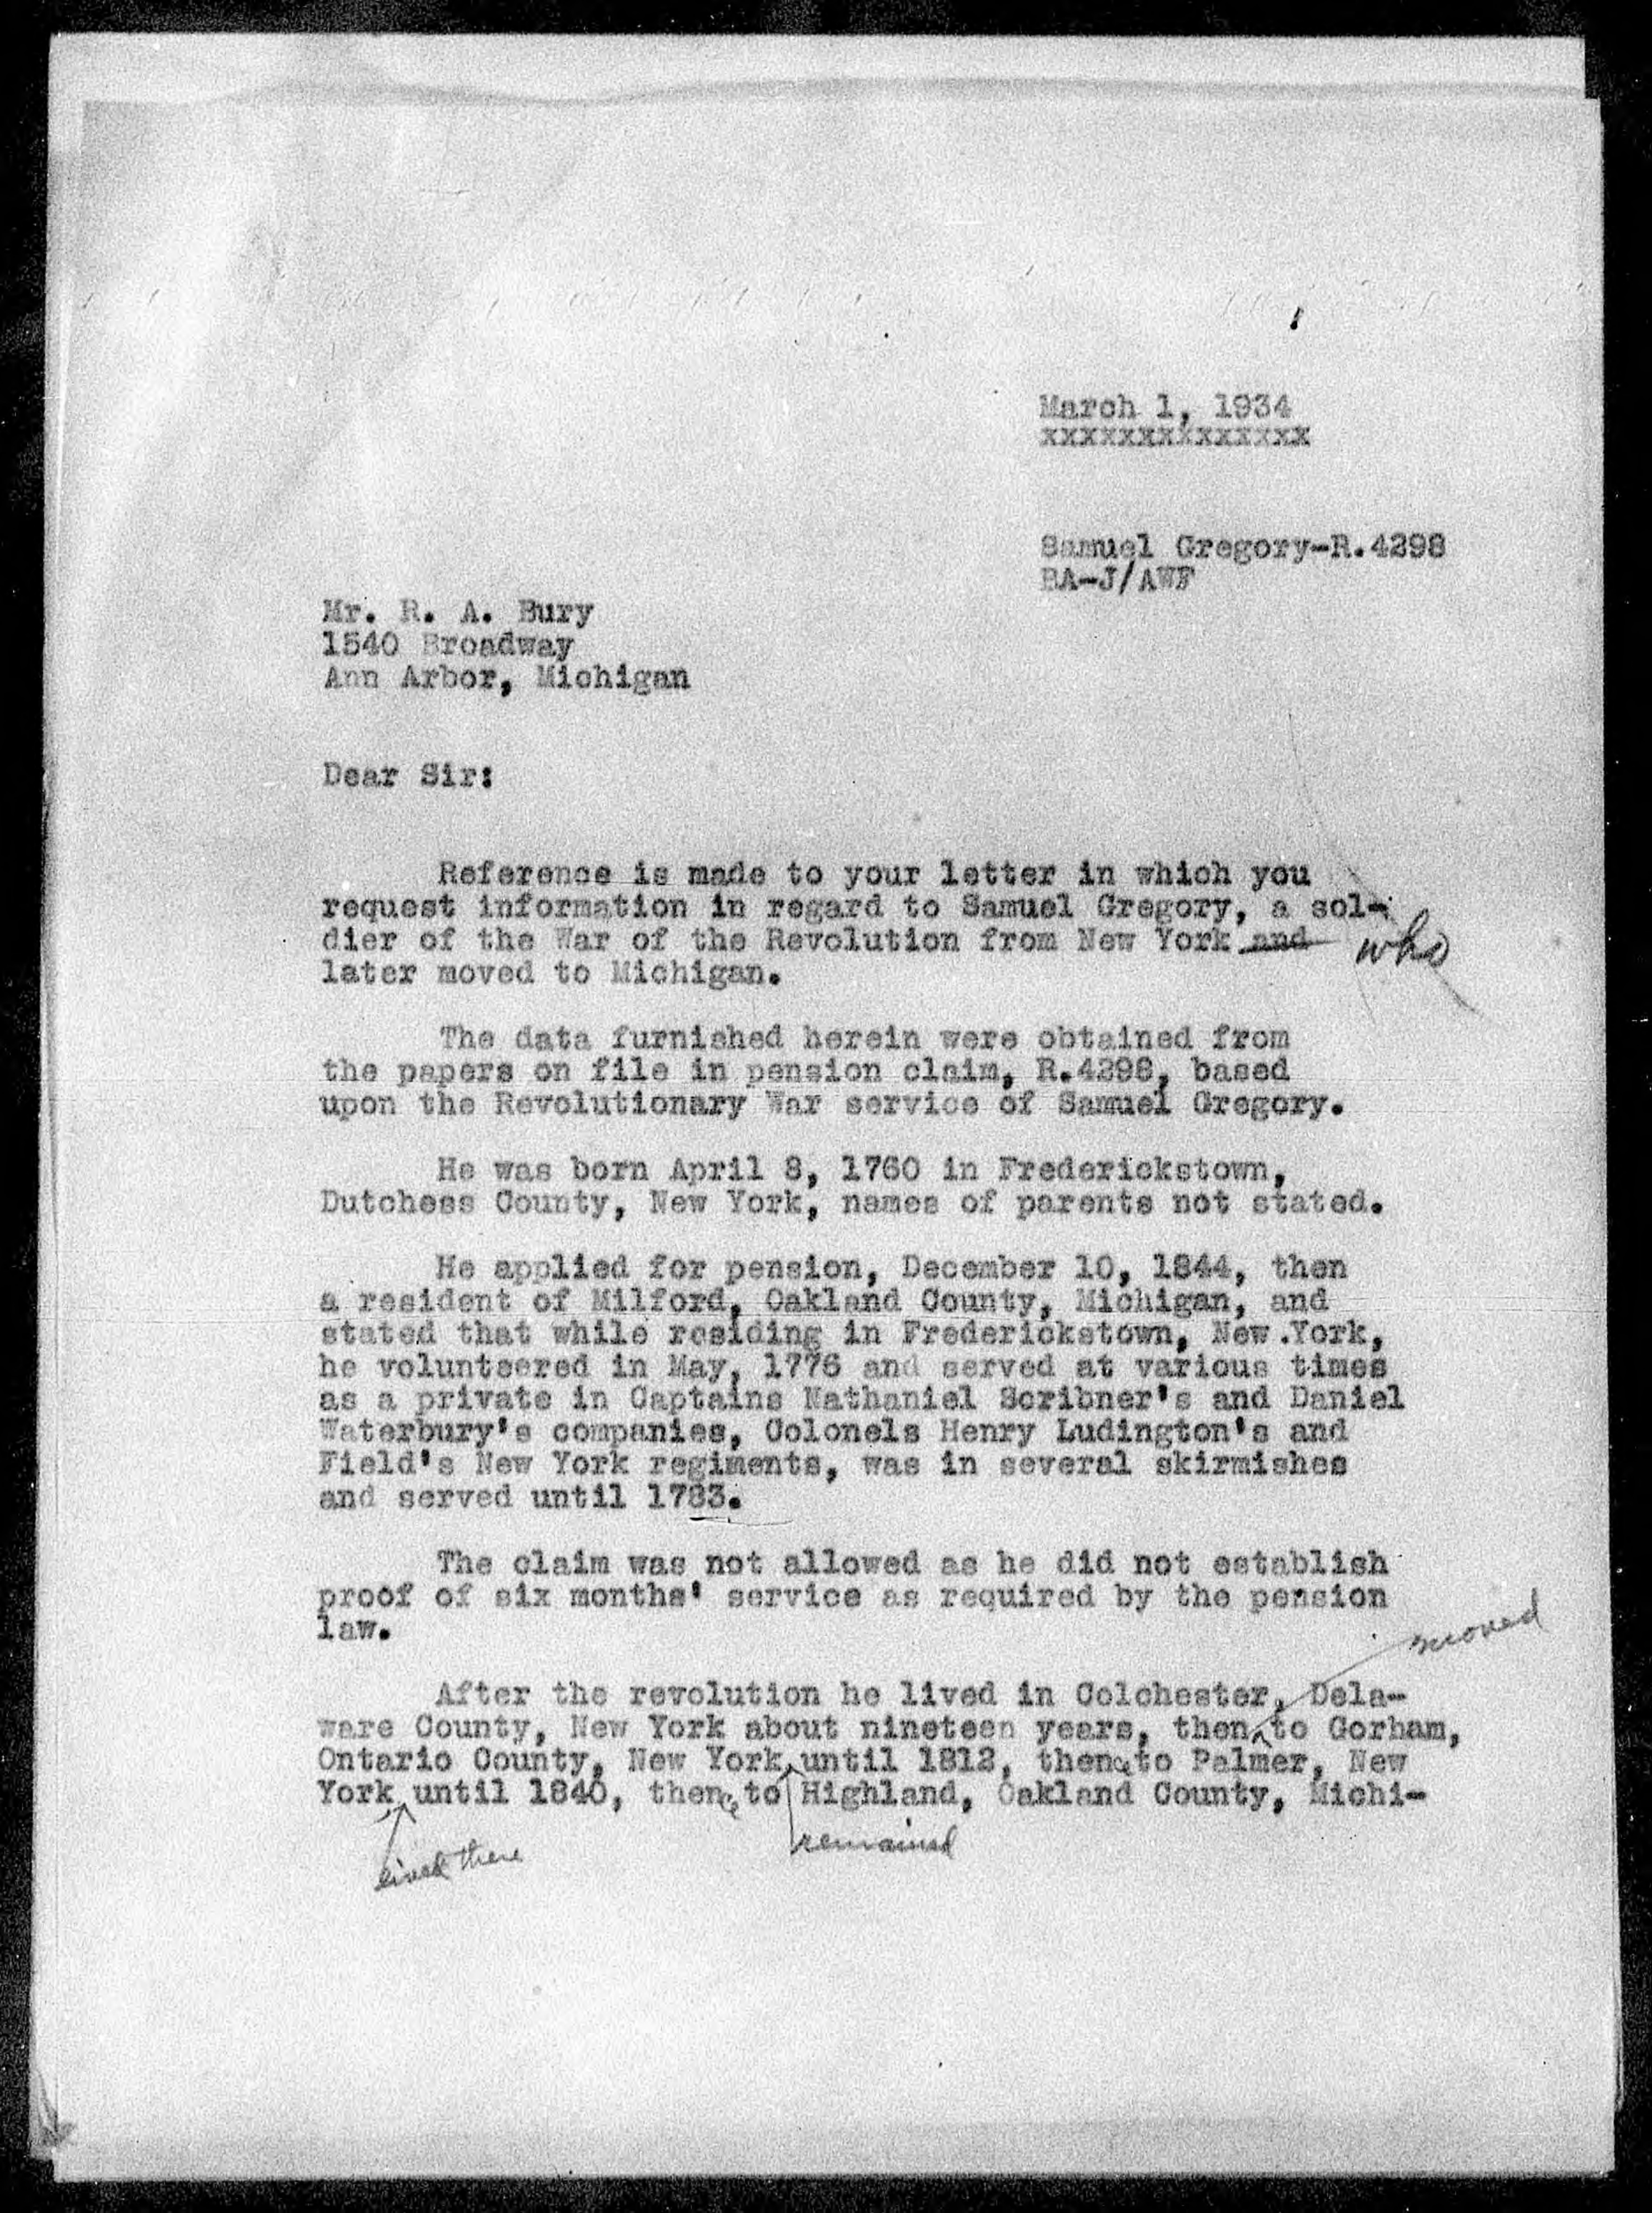March 1, 1934
XXXXXXXXXX
Samuel Gregory-R.4298
BA-J/AWF


Mr. R.A. Bury
1540 Broadway
Ann Arbor, Michigan

Dear Sir:

Reference is made to your letter in which you request information in regard to Samuel Gregory, a soldier of the War of the Revolution from New York who later moved to Michigan.

The data furnished herein were obtained from the papers on file in pension claim, R.4298, based upon the revolutionary War service of Samuel Gregory.

He was born April 8, 1760 in Frederickstown, Dutchess County, New York, names of parents not stated.

He applied for pension December 10, 1844, while a resident of Milford, Oakland County, Michigan, and alleged that while a resident of Frederickstown, New York, he volunteered in May, 1776 and served at various times as a private in Captains Nathanial Scribner's and Daniel Waterbury's companies, Colonels Henry Ludington's and Field's New York Regiments, was in several skirmishes and served until 1783.

The claim was not allowed as he did not establish proof of six months service as required by the pension law.

After the Revolution he lived in Colchester, Deaware County, New York about nineteen years, then to Gorham, Ontario County, New York until 1812, then to Palmer, New York lived there until 1840, Highland, Oakland County, Michi-.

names: Samuel Gregory, Samuel Gregory, Samuel Gregory, R A Bury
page: 25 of 66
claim: rejected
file: R. 4298, Samuel Gregory, New York